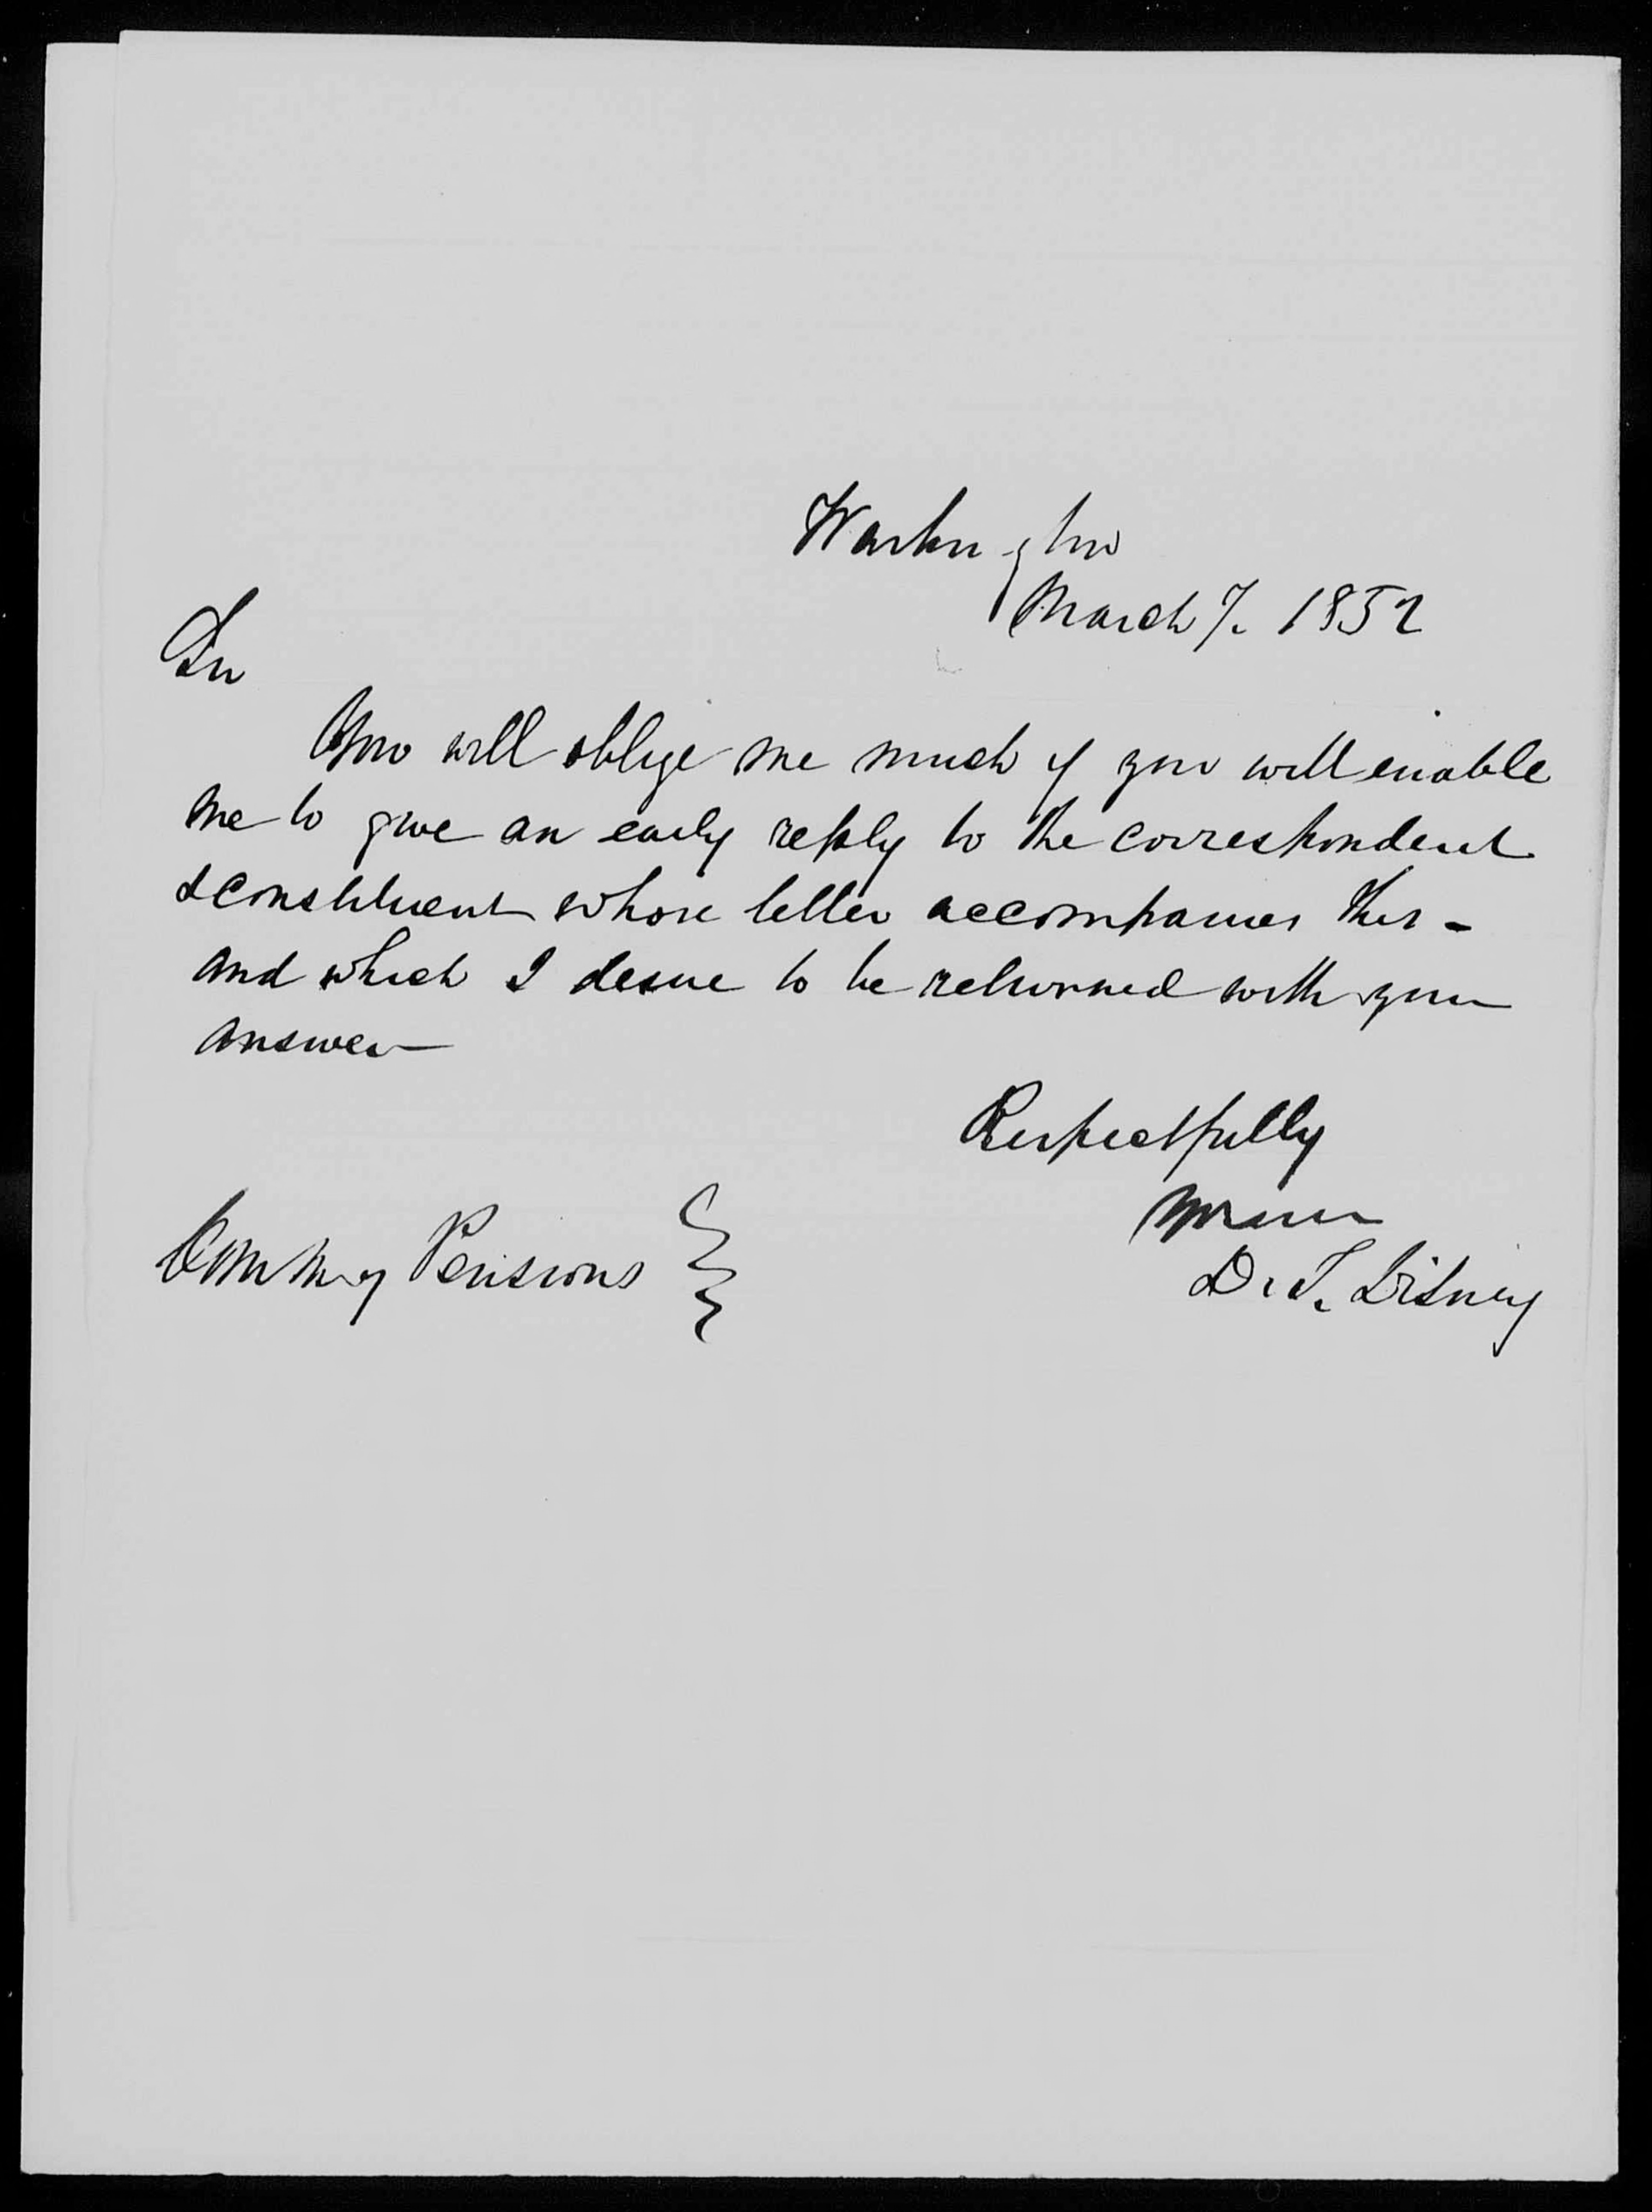Washington
March 7, 1852
Sir
You will oblige me much if you will enable me to give an early reply to the correspondent & constituent whose letter accompanies this - and which I desire to be returned with your answer

Respectfully yours
D. T. Disney

Comm of Pensions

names: D T Disney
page: 38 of 67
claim: rejected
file: R. 1009, Aaron Bonnel, New Jersey